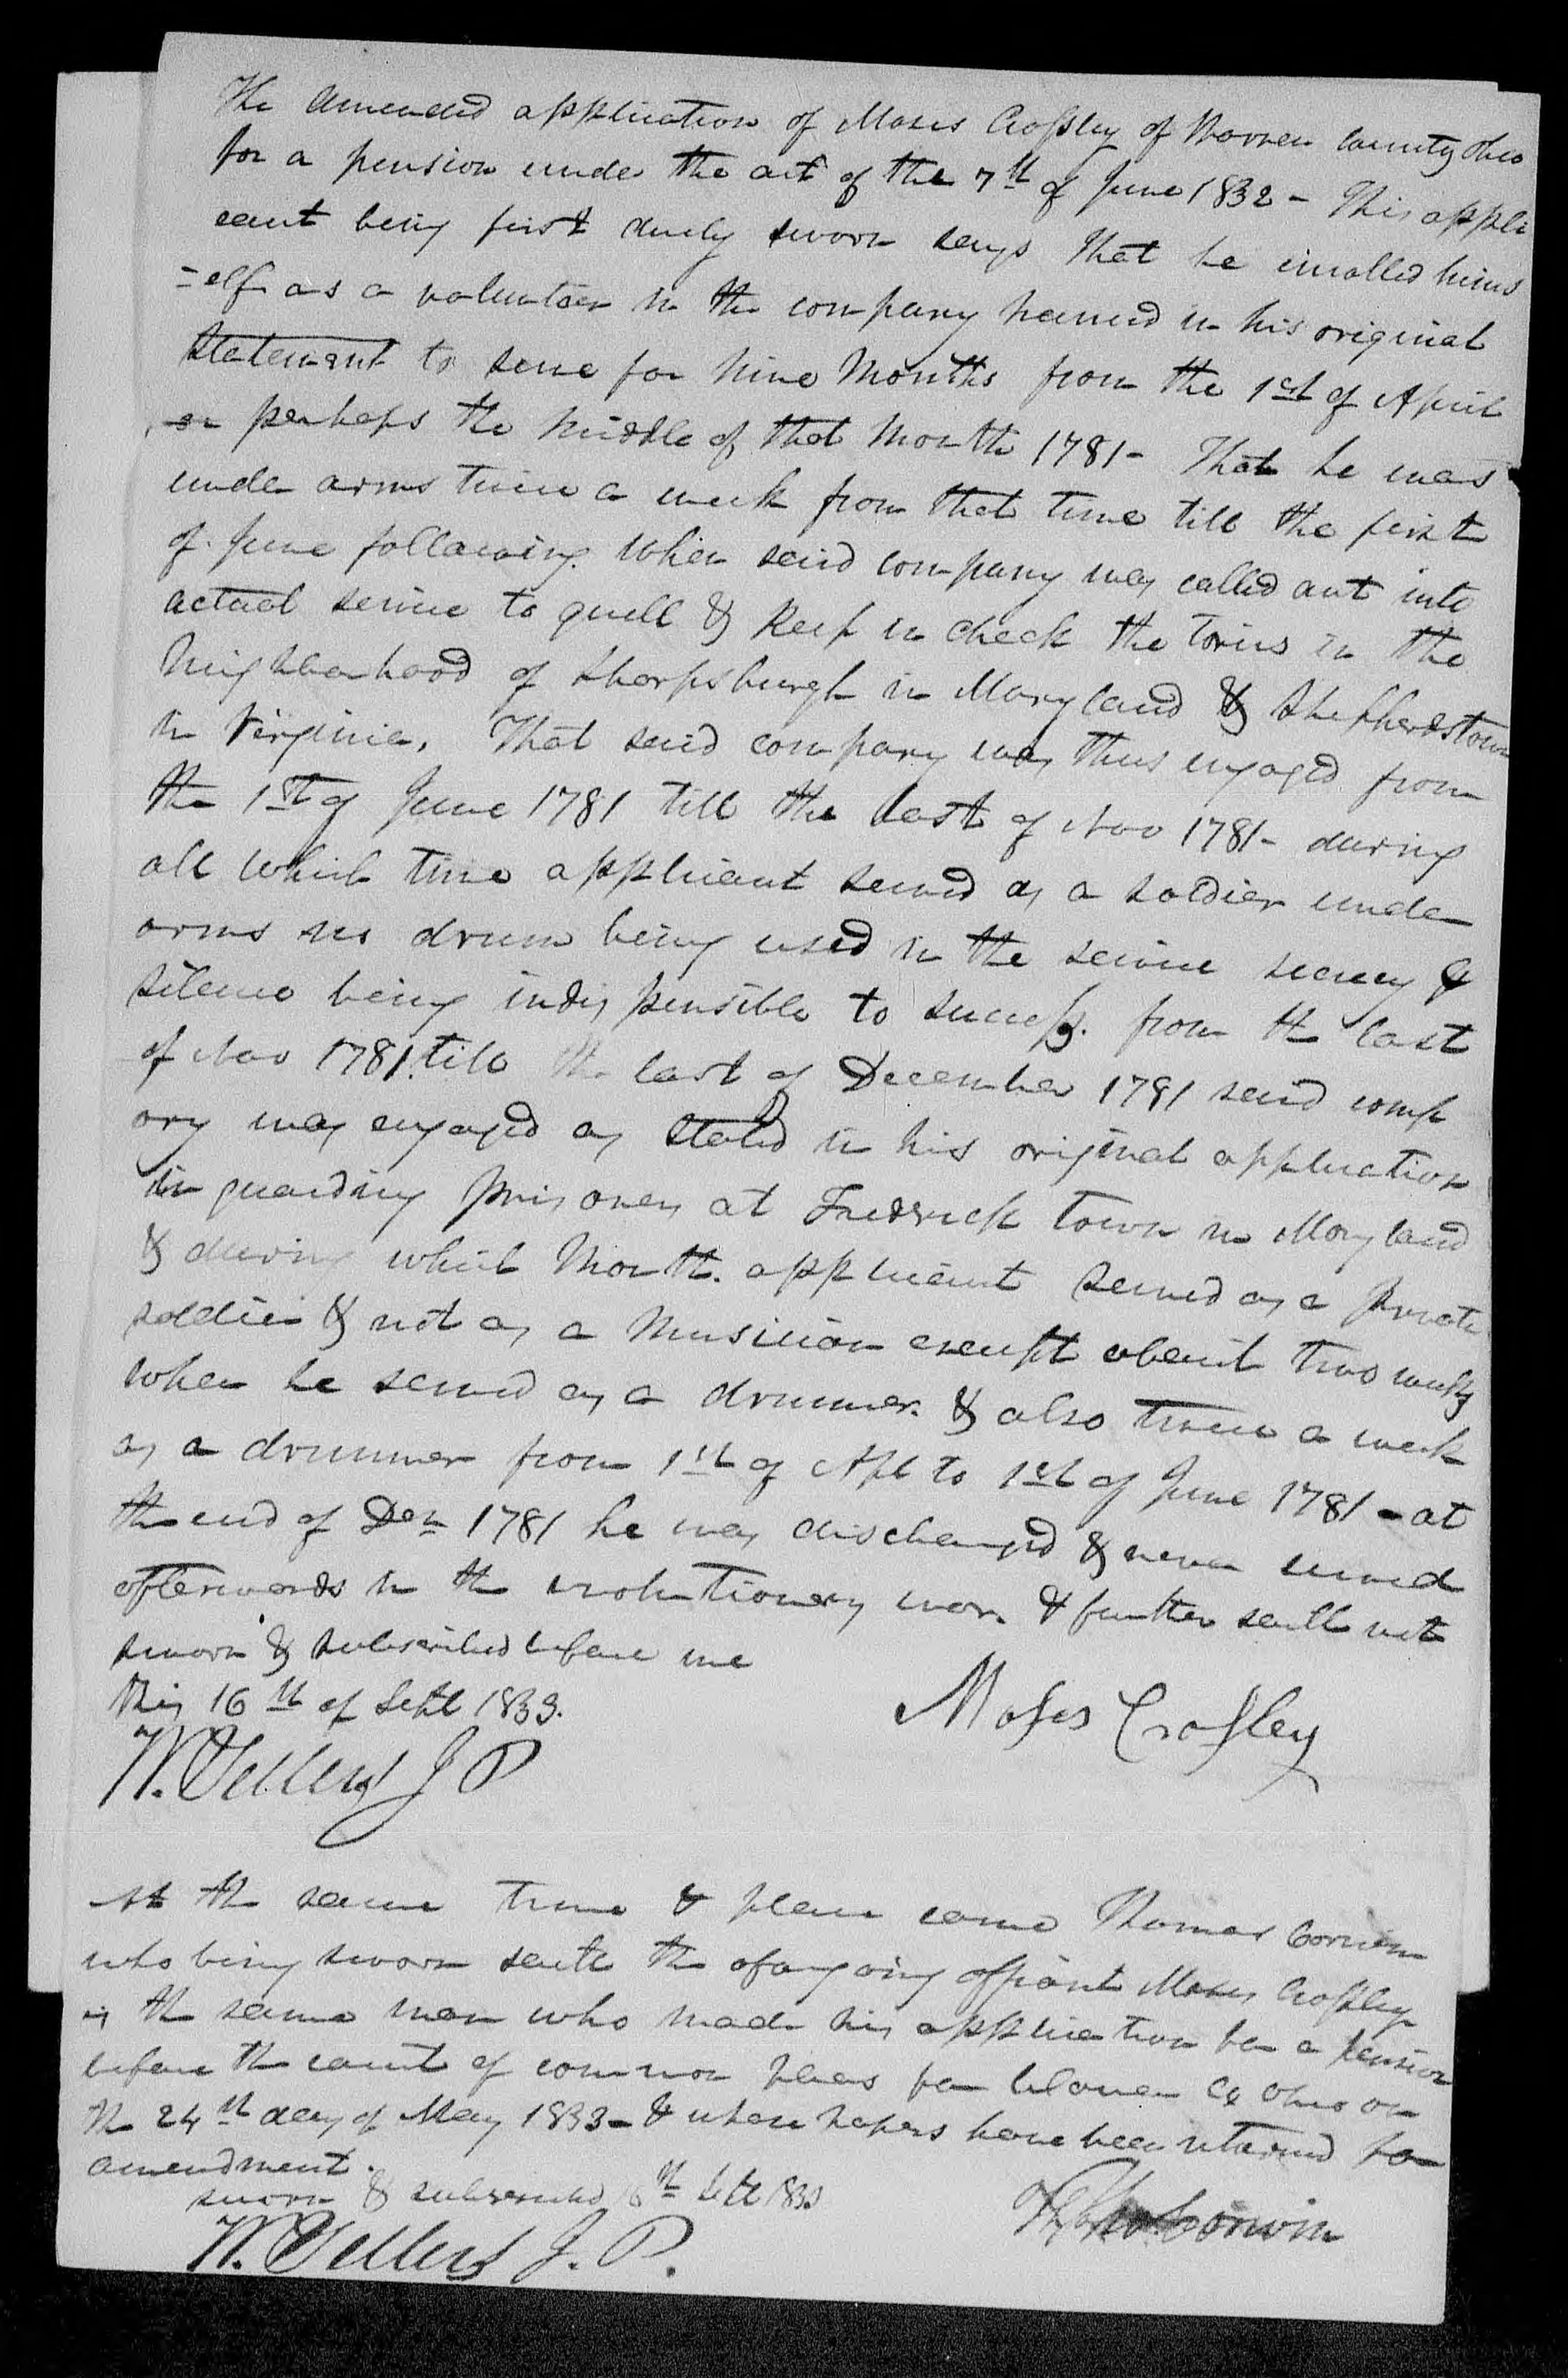The amended application of Moses Crossley of Warren County Ohio for a pension under the act of the 7th of June 1832--This applicant being first duly sworn says that he enrolled himself as a volunteer in the company named in his original statement to serve for nine months from the 1st of April or perhaps the middle of that month 1781. That he was under arms twice a week from that time till the [illegible] of June following, when said company was called out into actual service to quell & Rein in check the Tories in the neighborhood of Sharpsburgh in Maryland & Shepherdstown in Virginia. That said company was thus engaged from the 1st of June 1781 till the last of Nov[?] 1781, during all which time applicant served as a soldier under arms or drum being used in the service secrecy & silence being indispensible to success, from the last of Nov[?] 1781 till the last of December 1781 said company was engaged as stated in his original application in guarding prisoners at Frederick Town in Maryland & during which months applicant served as a private soldier & not as a musician except about two weeks as a drummer from 1st of Apl to 1st of June 1781--at the end of Dec 1781 he was discharged & never armed afterwards in the revolutionary war. & further saith not

Sworn & subscribed before me this 16th of Sept 1833.
W. Sellers JP
Moses Crossley

At the same time & place came Thomas Corwin who being sworn saith the aforegoing affiant Moses Crossley is the same man who made his application for a pension before the court of common pleas for Warren Co Ohio on the 24th day of May 1833--& whose papers have been returned for amendment.
Sworn & subscribed 16th Sept 1833
W. Sellers J.P.
Thos. Corwin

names: Moses Crosley, Moses Crossley, W Sellers, Moses Crossley, W Sellers, Thomas Corwin, Thom Corwin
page: 6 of 37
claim: rejected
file: R. 2516, Moses Crosley, Md.